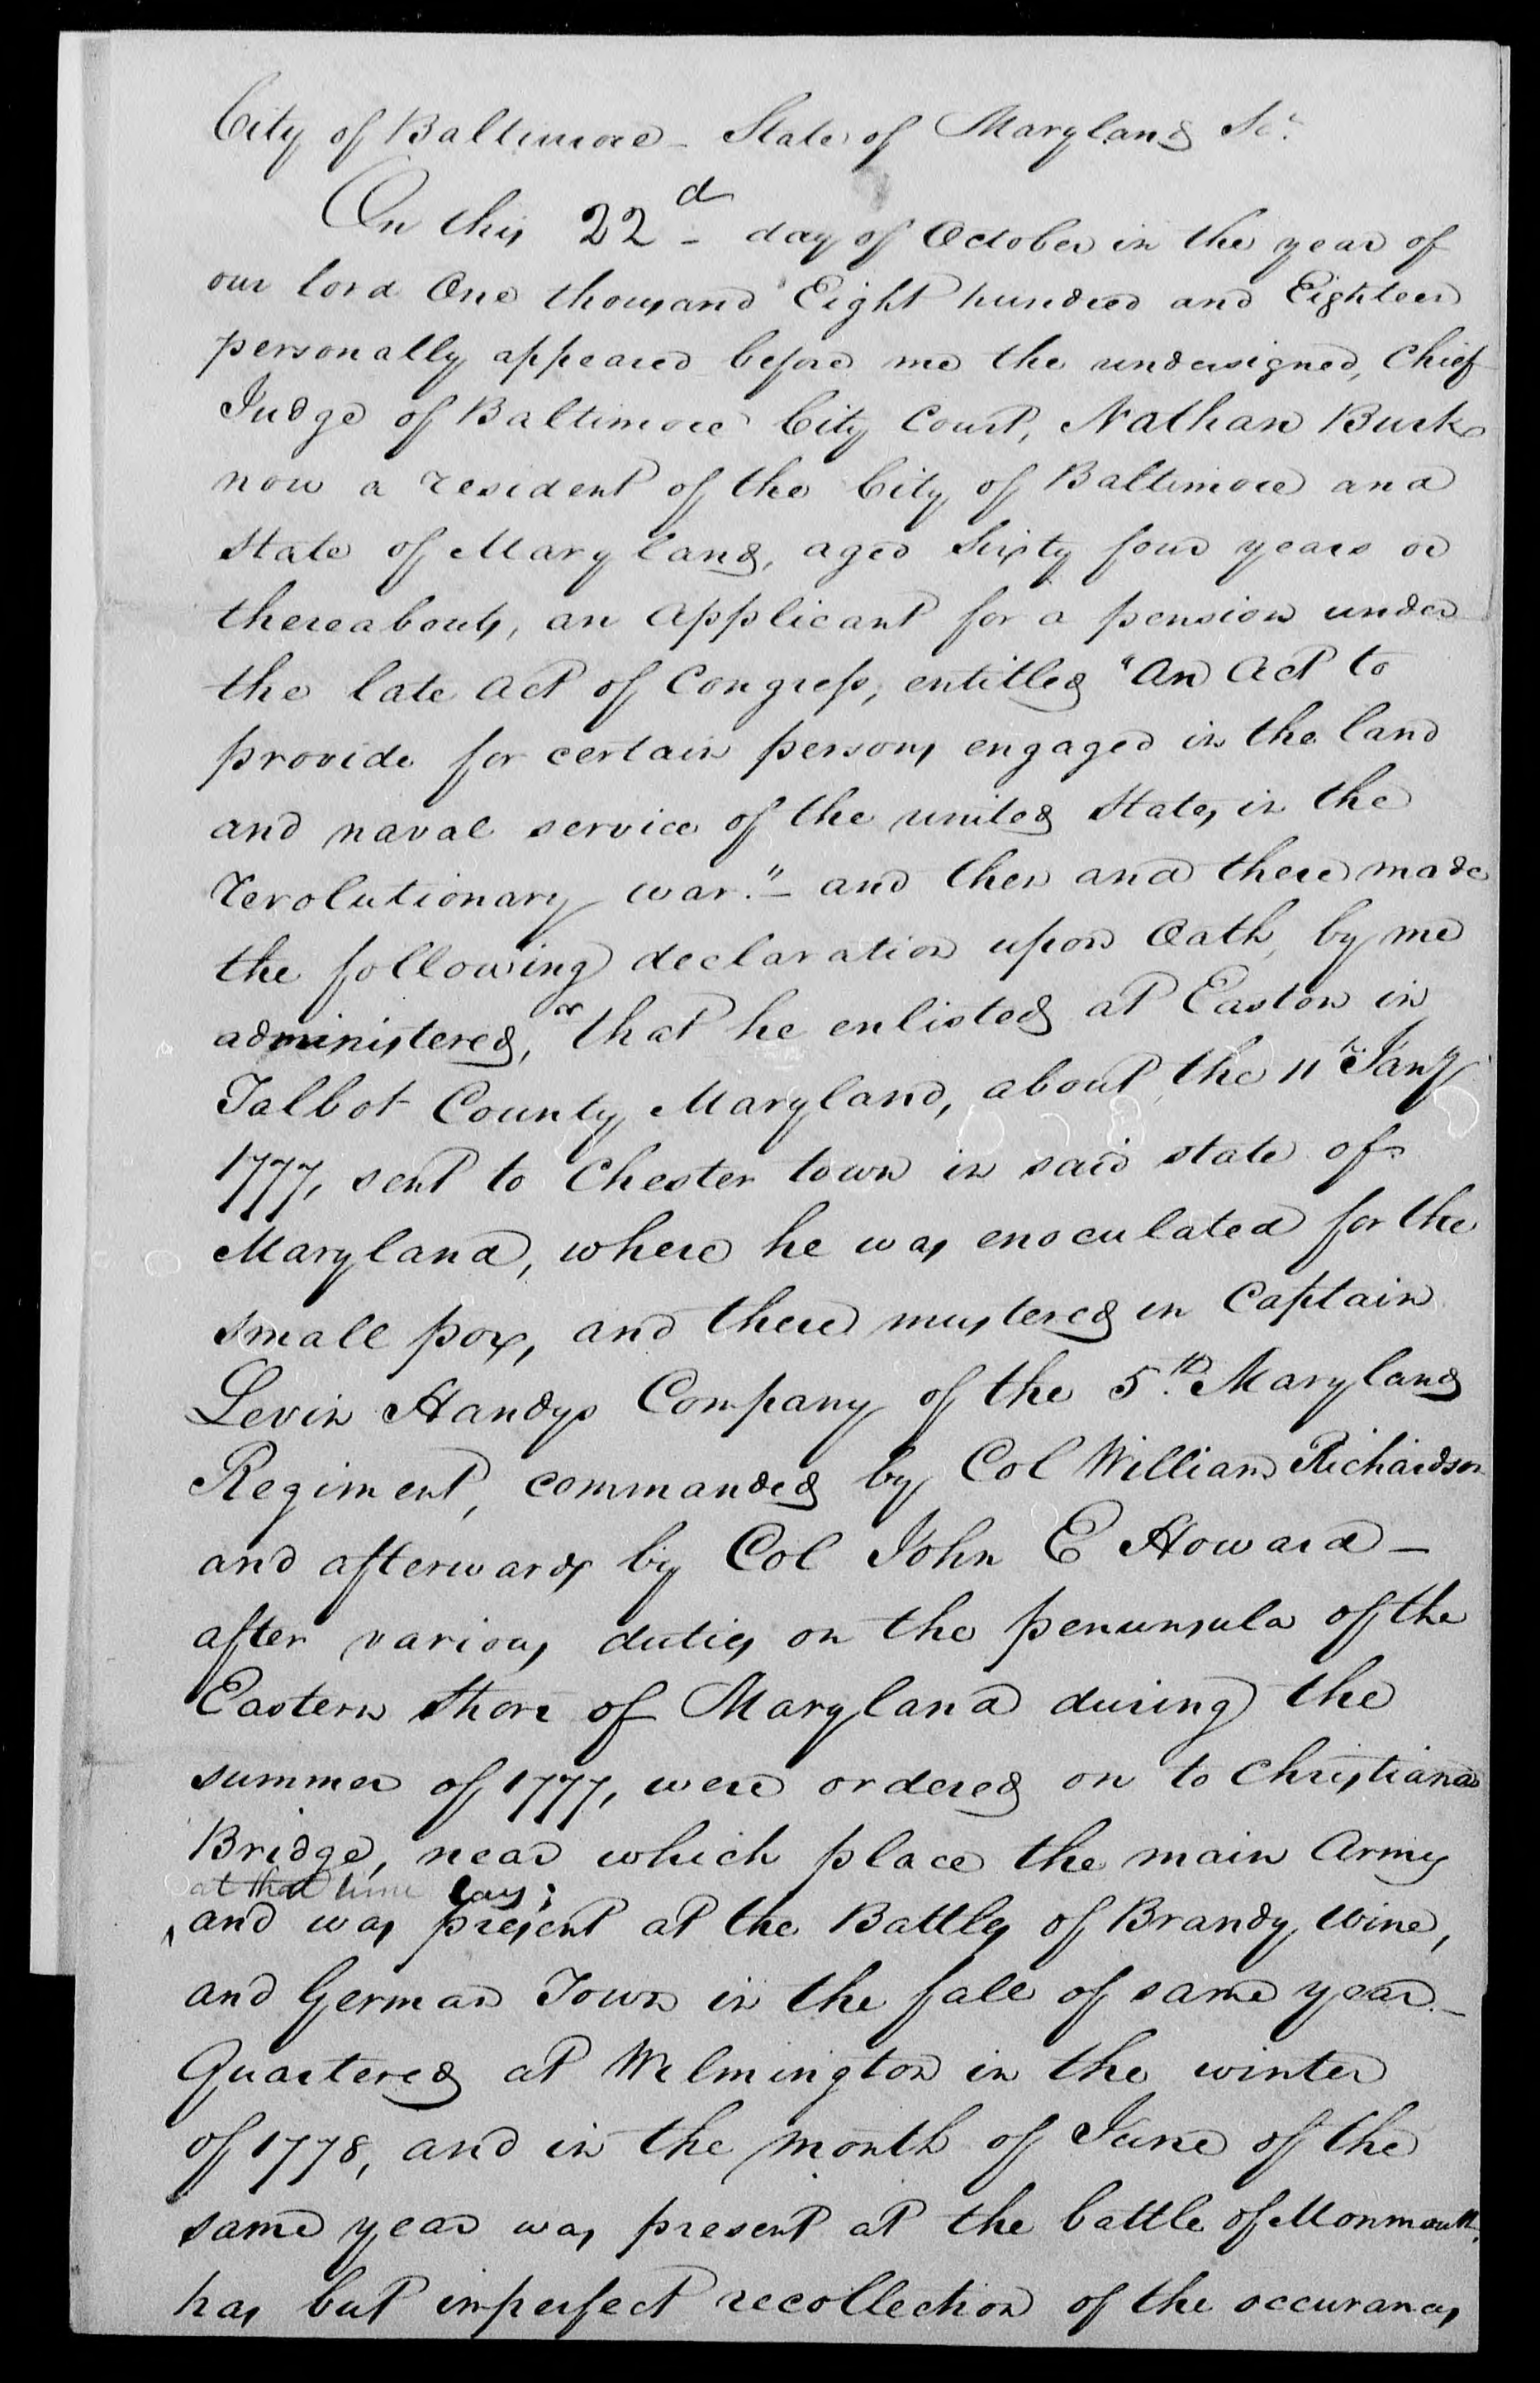City of Baltimore - State of Maryland (illegible)

On this 22d day of October in the year of our Lord, One thousand Eight hundred and Eighteen personally appeared before me the undersigned, Chief Judge of Baltimore City Court, Nathan Burke now a resident of the City of Baltimore and State of Maryland, aged Sixty four years or thereabouts, an applicant for a pension under the Late Act of Congress, entitled "An Act to provide for certain persons engaged in the land and naval service of the United States in the Revolutionary war." and then and there made the following declaration upon Oath by me administering, "that he enlisted at Easton in Talbot County Maryland, about the 11th Jan [illegible], 1777, sent to Chester town in said state of Maryland, where he was enoculated for the small pox, and there mustered in Captain Levin Handys Company of the 5th Maryland Regiment, commanded by Col William Richardson and afterwards by Col John E Howard - after various duties on the penunsula of the Eastern Shore of Maryland during the summer of 1777, were ordered on to Christiana Bridge, near which place the main Army at the time was; (illegible) and was present at the Battle of Brandy Wine, and German Town in the fall of same year -  Quartered at Wilmington in the winter of 1778, and in the month of June of the same year was present at the battle of Monmouth has but imperfect recollection of the accuracy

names: John E Howard, Nathan Burk, William Richardson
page: 3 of 20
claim: survivor's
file: S. 34674, Nathan Burk, Md.